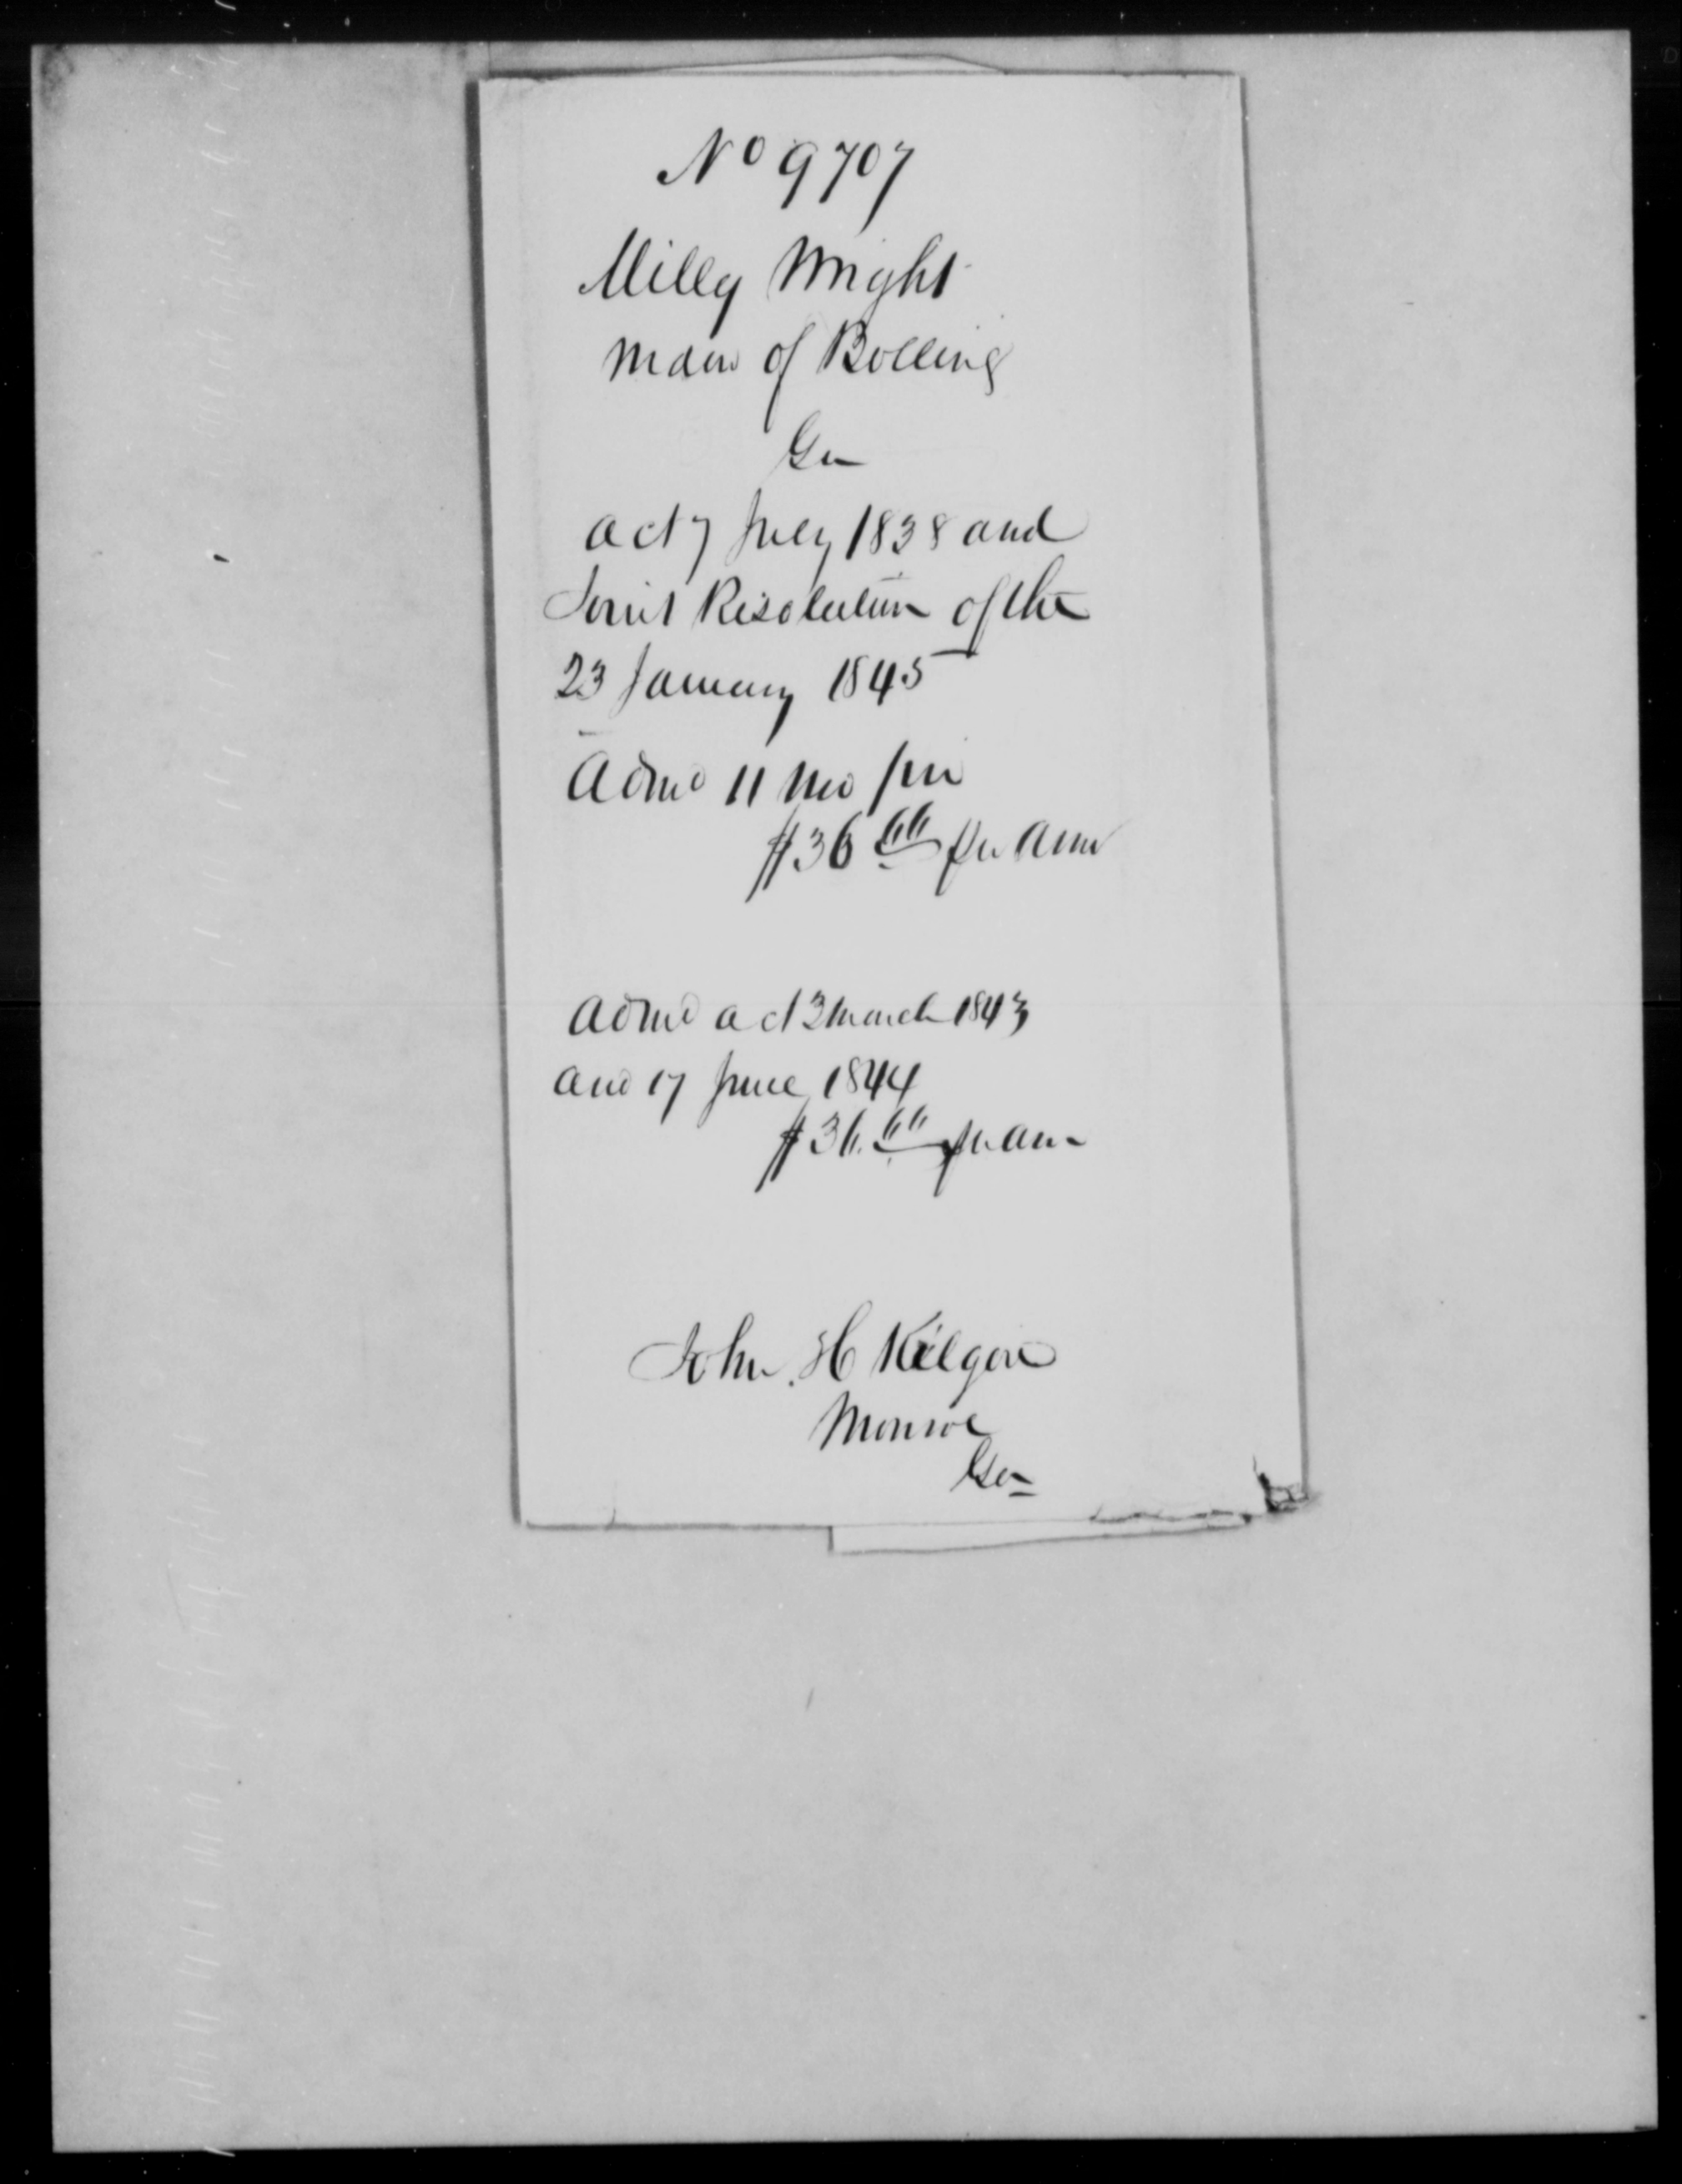No 9707

Milly Wright
Wdw of Bolling
Ga
Act July 1838 and
Court Resolution of the
23 January 1845

Adm 11 No per
$36.66 pr anu

Admt  act 3 March 1843
and 17 June 1844
$36.66 pr anu

John H Kilgone
Monroe
Ga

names: John H Kilgore, Milly Wright, Bolling Wright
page: 35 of 81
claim: widow's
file: W. 5183, Bolling Wright, Va.